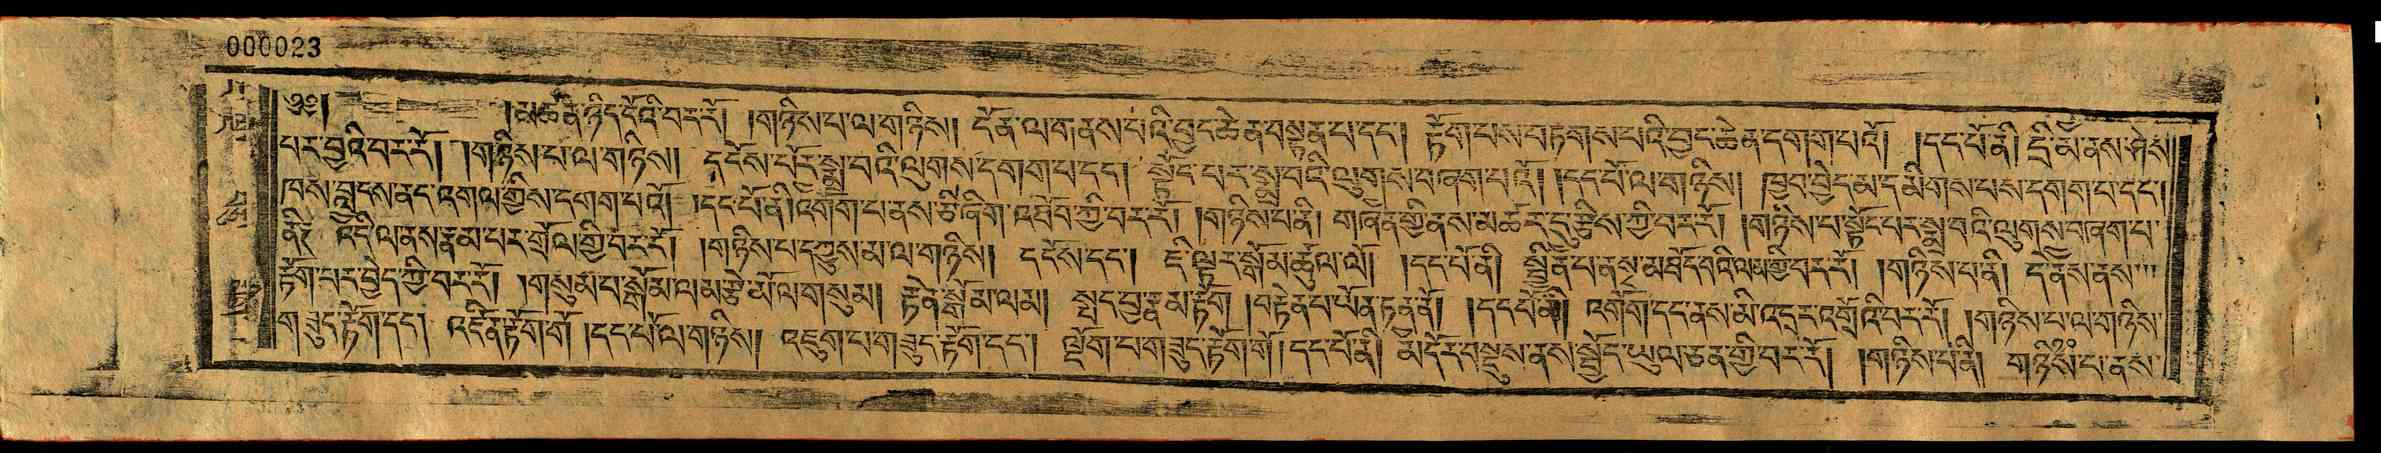༄༅། །མཚན་ཉིད་ངོའི་བར་རོ། །གཉིས་པ་ལ་གཉིས། དོན་ལ་གནས་པའི་བྱང་ཆེན་བསྟན་པ་དང་། རྟོག་པས་བཏགས་པའི་བྱང་ཆེན་དགག་པའོ། །དང་པོ་ནི། ༤་དྲི་མ་ནས་ཤེས་
པར་བྱའི་བར་རོ། །གཉིས་པ་ལ་གཉིས། དངོས་པོར་སྨྲ་བའི་ལུགས་དགག་པ་དང་། སྟོང་པར་སྨྲ་བའི་ལུགས་བཞག་པའོ། །དང་པོ་ལ་གཉིས། ཁྱབ་བྱེད་མ་དམིགས་པས་དགག་པ་དང་།
ཁས་བླངས་ནང་འགལ་གྱིས་དགག་པའོ། །དང་པོ་ནི། འགོག་པ་ནས་ཅི་ཞིག་འཐོབ་ཀྱི་བར་རོ། །གཉིས་པ་ནི། ༤་གཞན་གྱི་ནས་མཚང་དུ་རྩིས་ཀྱི་བར་རོ། །གཉིས་པ་སྟོང་པར་སྨྲ་བའི་ལུགས་བཞག་པ་
ནི༑ ༤་འདི་ལ་ནས་རྣམ་པར་གྲོལ་གྱི་བར་རོ། །གཉིས་པ་དཀྱུས་མ་ལ་གཉིས། དངོས་དང་། ཇི་ལྟར་སྒོམ་ཚུལ་ལོ། །དང་པོ་ནི། སྦྱིན་པ་ནས་མཐོང་བའི་ལམ་གྱི་བར་རོ། །གཉིས་པ་ནི། དེ ༤་ནས་ནས་
རྟོག་པར་བྱེད་ཀྱི་བར་རོ། །གསུམ་པ་སྒོམ་ལམ་རྩེ་མོ་ལ་གསུམ། རྟེན་སྒོམ་ལམ། སྤང་བྱ་རྣམ་རྟོག །བརྟེན་པ་ཡོན་ཏན་ནོ། །དང་པོ་ནི། འགོག་དང་ནས་མི་འདྲར་འགྲོའི་བར་རོ། །གཉིས་པ་ལ་གཉིས་
གཟུང་རྟོག་དང་། འཛིན་རྟོག་གོ །དང་པོ་ལ་གཉིས། འཇུག་པ་གཟུང་རྟོག་དང་། ལྡོག་པ་གཟུང་རྟོག་གོ། དང་པོ་ནི། མདོར་བསྡུས་ནས་སྤྱོད་ཡུལ་ཅན་གྱི་བར་རོ། །གཉིས་པ་ནི། ༡༠་གཉིས་པ་ནས་